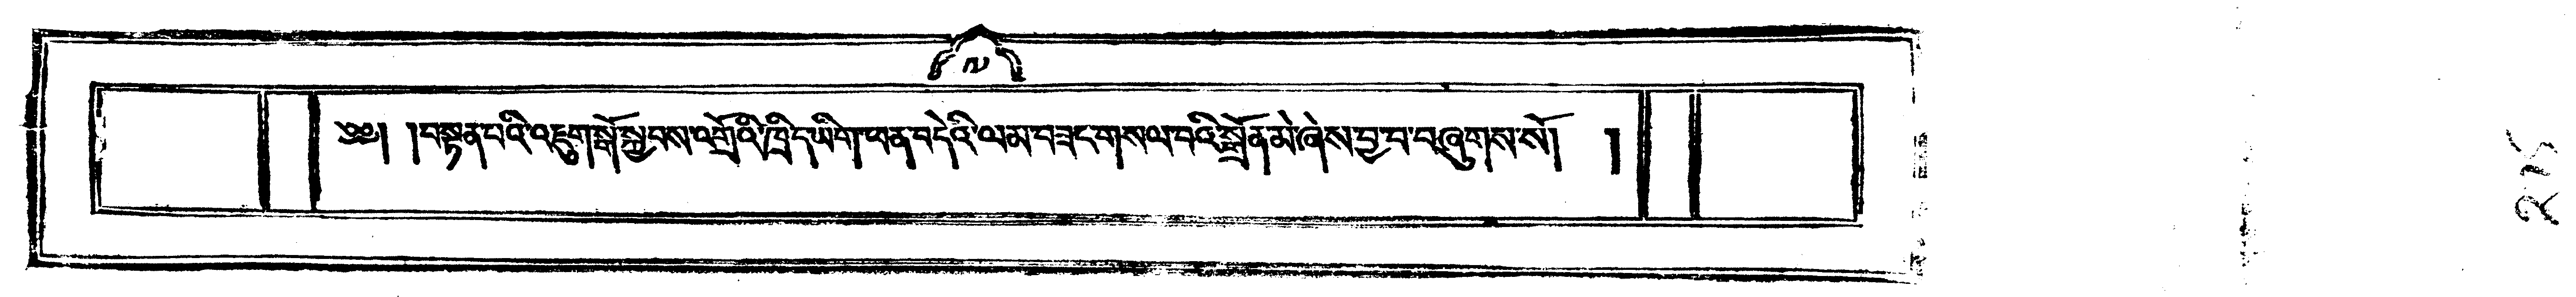༄༅། །བསྟན་པའི་འཇུག་སྒོ་སྐྱབས་འགྲོའི་ཁྲིད་ཡིག་ཕན་བདེའི་ལམ་བཟང་གསལ་བའི་སྒྲོན་མེ་ཞེས་བྱ་བ་བཞུགས་སོ། །